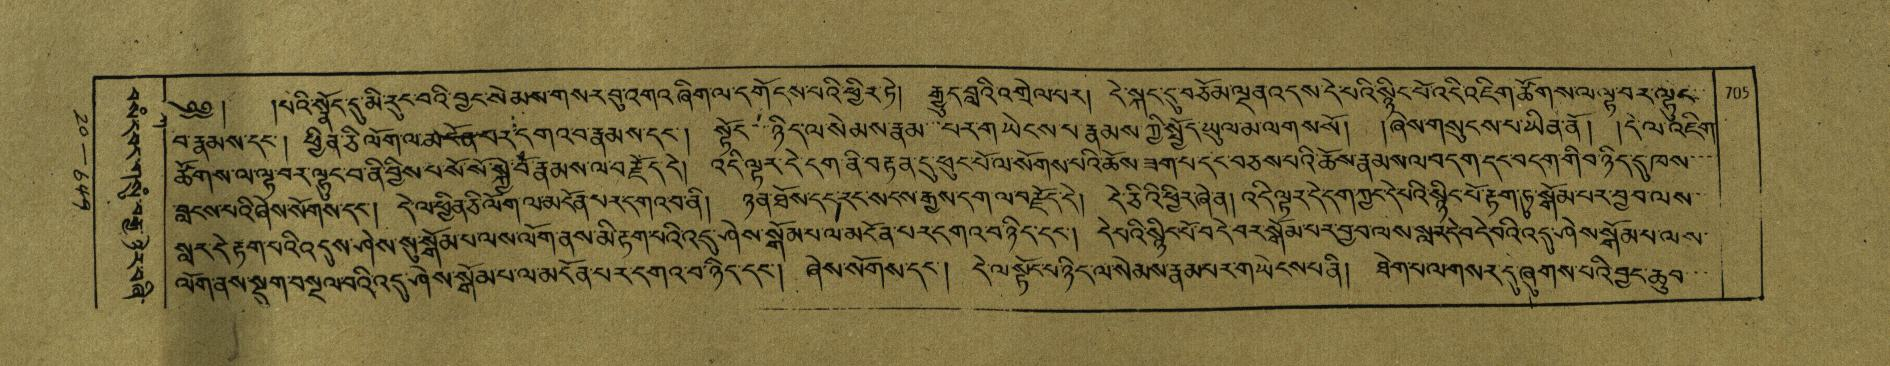༄༅། །པའི་སྣོང་དུ་མི་རུང་བའི་བྱང་སེམས་གསར་བུ་འགའ་ཞིག་ལ་དགོངས་པའི་ཕྱིར་ཏེ། རྒྱུད་བླའི་འགྲེལ་པར། དེ་སྐད་དུ་བཅོམ་ལྡན་འདས་དེ་པའི་སྙིང་པོ་འདི་འཇིག་ཚོགས་ལ་ལྟ་བར་ལྟུང་
བ་རྣམས་དང་། ཕྱིན་ཅི་ལོག་ལ་མངོན་པར་དགའ་བ་རྣམས་དང་། སྟོང་ཉིད་ལ་སེམས་རྣམ་པར་གཡེངས་པ་རྣམས་ཀྱི་སྤྱོད་ཡུལ་མ་ལགས་སོ། །ཞེས་གསུངས་པ་ཡིན་ནོ། །དེ་ལ་འཇིག་
ཚོགས་ལ་ལྟ་བར་ལྟུང་བ་ནི་བྱིས་པ་སོ་སོ་སྐྱོ་བོ་རྣམས་ལ་བརྗོད་དེ། འདི་ལྟར་དེ་དག་ནི་བརྟན་དུ་ཕུང་པོ་ལ་སོགས་པའི་ཆོས་ཟག་པ་དང་བཅས་པའི་ཆོས་རྣམས་ལ་བདག་དང་བདག་གི་བ་ཉིད་དུ་ཁས་
བླངས་པའི་ཞེས་སོགས་དང་། དེ་ལ་ཕྱིན་ཅི་ལོག་ལ་མངོན་པར་དགའ་བ་ནི། ཉན་ཐོས་དང་རང་སངས་རྒྱས་དག་ལ་བརྗོད་དེ། དེ་ཅིའི་ཕྱིར་ཞེ་ན། འདི་ལྟར་དེ་དག་ཀྱང་དེ་པའི་སྙིང་པོ་རྟག་ཏུ་སྒོམ་པར་བྱ་བ་ལས་
སླར་དེ་རྟག་པའི་འདུས་ཤེས་སུ་སྒོམ་པ་ལས་ལོག་ནས་མི་རྟག་པའི་འདུ་ཤེས་སྒོམ་པ་ལ་མངོན་པར་དགའ་བ་ཉིད་དང་། དེ་པའི་སྙིང་པོ་བདེ་བར་སྒོམ་པར་བྱ་བ་ལས་སླར་དེ་བདེ་བའི་འདུ་ཤེས་སྒོམ་པ་ལས་
ལོག་ནས་སྡུག་བསྔལ་བའི་འདུ་ཤེས་སྒོམ་པ་ལ་མངོན་པར་དགའ་བ་ཉིད་དང་། ཞེས་སོགས་དང་། དེ་ལ་སྟོང་པ་ཉིད་ལ་སེམས་རྣམ་པར་གཡེངས་པ་ནི། ཐེག་པ་ལ་གསར་དུ་ཞུགས་པའི་བྱང་ཆུབ་